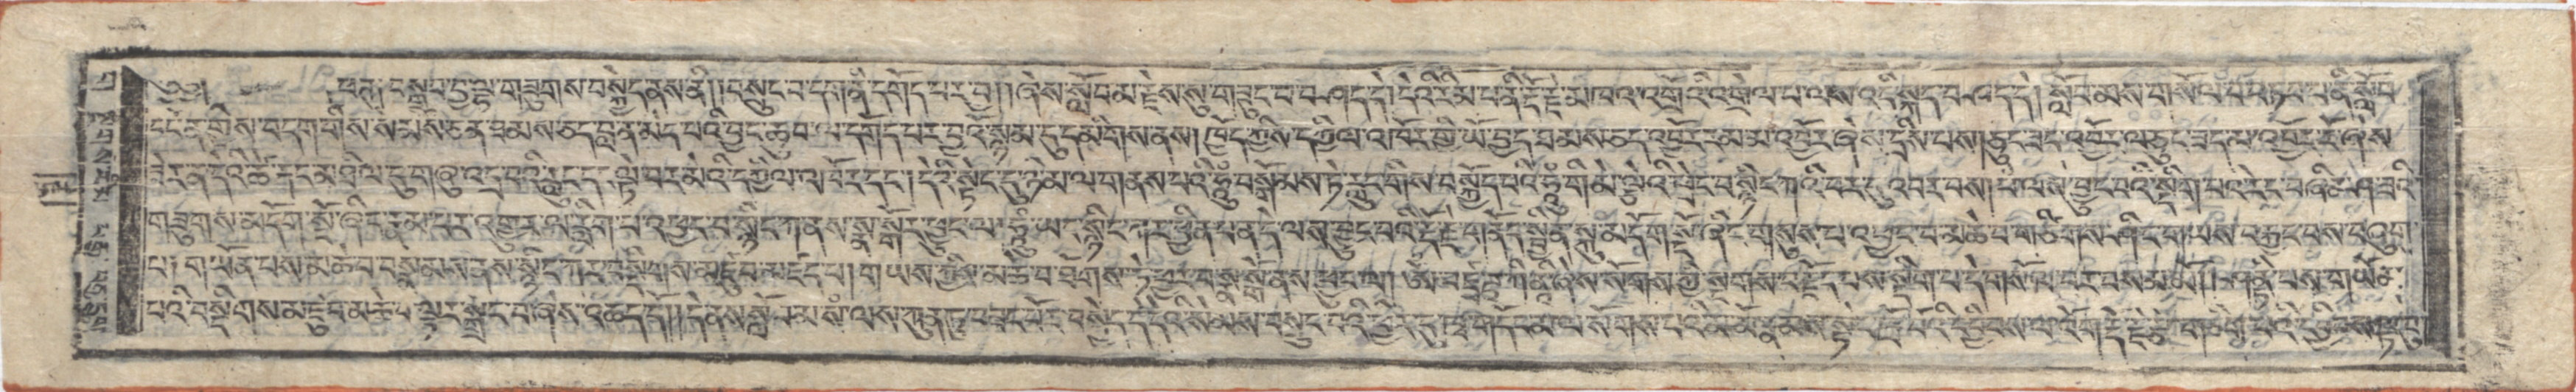༄༅། །ཕཊ༑ བསྒྲུབ་བྱ་ལྷ་གཟུགས་བསྐྱེད་ནས་ནི། །བསྲུང་བ་དག་ནི་དགོད་པར་བྱ། །ཞེས་སློབ་མ་རྗེས་སུ་གཟུང་བ་བཤད་དེ། དེའི་རིམ་པ་ནི་རྡོ་རྗེ་མཁའ་འགྲོའི་འགྲེལ་པ་ལས་འདི་སྐད་བཤད་དེ། སློབ་མས་གསོལ་བ་བཏབ་པ་ནི་སློབ་
དཔོན་གྱིས་བདག་གིས་སེམས་ཅན་ཐམས་ཅད་བླ་ན་མེད་པའི་བྱང་ཆུབ་ལ་དགོད་པར་བྱའོ་སྙམ་དུ་དམིགས་ནས། ཁྱོད་ཀྱིས་དཀྱིལ་འཁོར་གྱི་ཡོ་བྱད་ཐམས་ཅད་འབྱོར་རམ་མ་འབྱོར་ཞེས་དྲིས་པས། ཅུང་ཟད་འབྱོར་ལ་ཅུང་ཟད་མ་འབྱོར་རོ་ཞེས་
ཟེར་ན་དེའི་ཚེ་དང་མཐིལ་དུ་གཞུ་འདྲ་བའི་རླུང་དང་ལྟེ་བར་མེའི་དཀྱིལ་འཁོར་དང་། དེའི་སྟེང་དུ་ཉི་མ་ལ་གནས་པའི་ཧཱུཾ་བསྒོམས་ཏེ་རླུང་གིས་བསྐྱོད་པའི་ཧཱུཾ་གི་མེ་ལྕེའི་ཕྲེང་བ་སྙིང་ཀའི་བར་དུ་འབར་བས། པཾ་ལས་བྱུང་བའི་སྡིག་པའི་རང་བཞིན་ཤ་ཟའི་
གཟུགས་མདོག་སྔོ་ཞིང་རྣམ་པར་འགྱུར་ལ་རླིག་པ་འཕྱང་བ་སྙིང་ཀ་ནས་སྣ་སྒོར་ཕྱུང་ལ། ཧཱུཾ་ཡང་སྙིང་ཀར་ཕྱིན་པ་ན་དེ་ལས་བྱུང་བའི་རྡོ་རྗེ་གནོད་སྦྱིན་སྐུ་མདོག་སྔོ་ཞིང་གསུས་པ་འཕྱང་བ་མཆེ་བ་གཙིགས་ཤིང་གཡས་བརྐྱང་བས་བཞུག་
པ༑ གཡོན་པས་མཆེ་བ་བསྣམས་ནས་སྙིང་ཀར་བསྡིགས་མཛུབ་མཛད་པ། གཡས་ཀྱིས་མཆེ་བ་ཐོགས་ཏེ་ཕྱར་བ་སྣ་སྒོ་ནས་ཕྱུང་ལ། ཨོཾ་བཛྲ་ཧཱ་ཀི་ནཱི་ཞེས་སོགས་ཀྱི་སྔགས་བརྗོད་པས་སྡིག་པ་དེ་གསོལ་བར་བསམ་མོ། །ཤནྟི་པས་གཡོན་
པའི་བསྡིགས་མཛུབ་མཆེ་བ་ལྟར་སྒྲེང་བ་ཞེས་འཆད་དོ། །དེ་བསྲུང་བའི་ཕྱིར་དུ་ཁྭ་གདོང་མ་ལ་སོགས་པའི་མ་མོ་རྣམས་ཕྱིར་དུ་ཁྭ་གདོང་མ་ལ་སོགས་པའི་མ་མོ་རྣམས་སྟེང་ཁྲོ་བོའི་དབྱིབས་ལ་འོག་རྡོ་རྗེ་རྩེ་གཅིག་པའི་དབྱིབས་ལྟ་བུ་